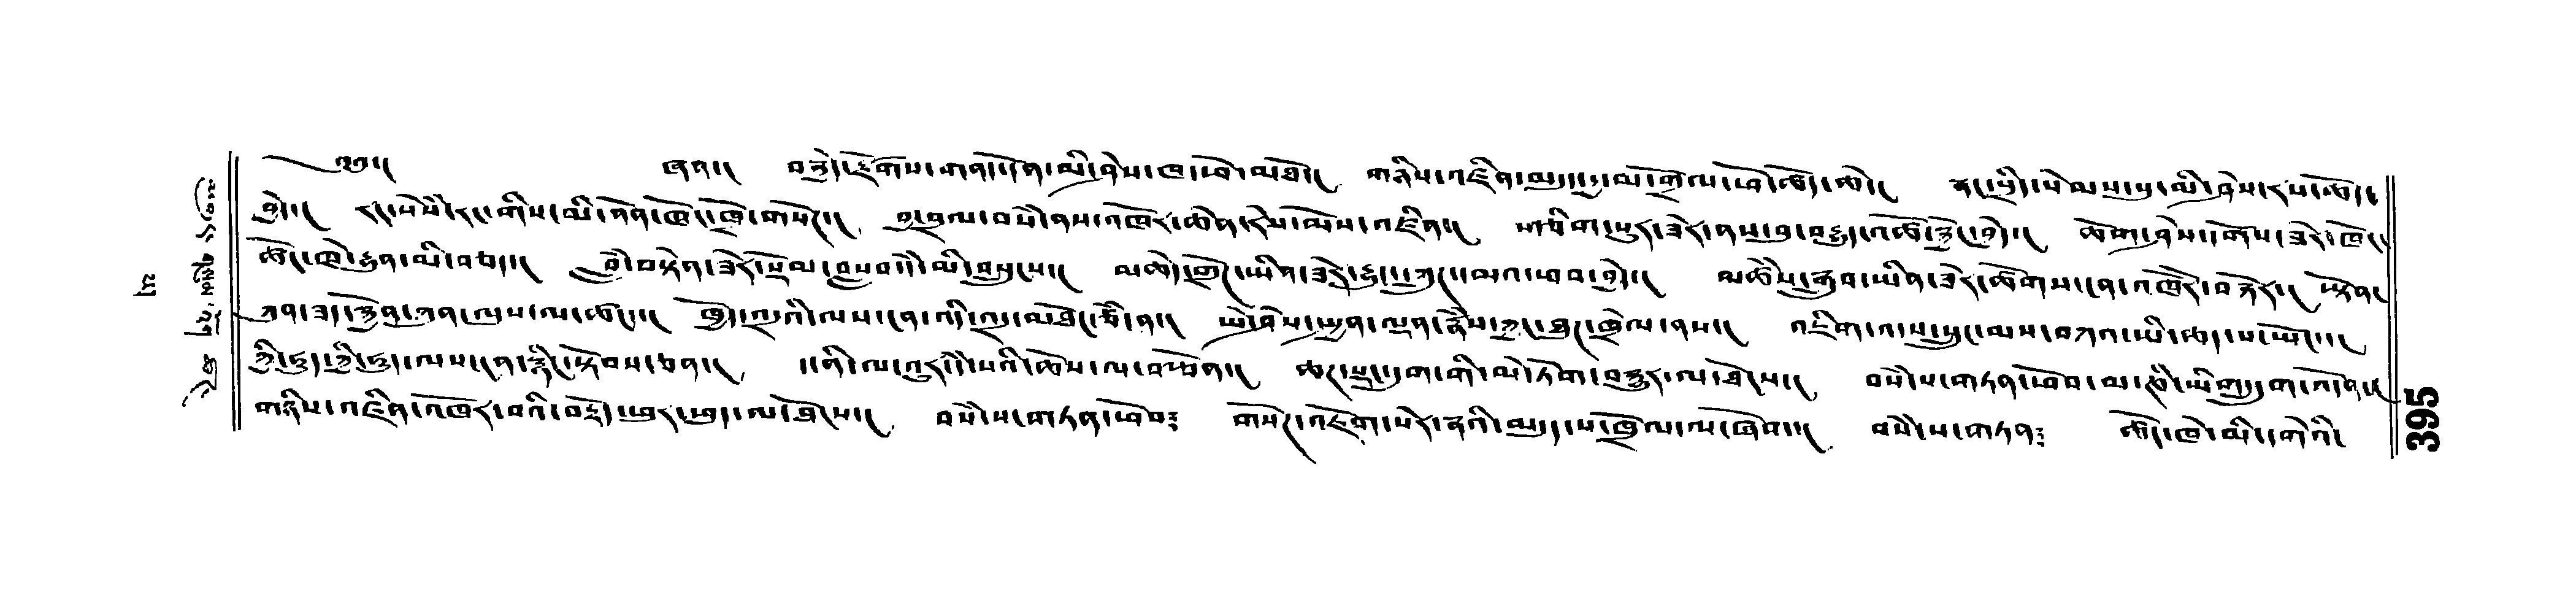ཞན། །བསྐྱེད་རྫོགས་གནད་དོན་མི་ཤེས་ཁ་ཕོ་མཐོ། །གཉིས་འཛིན་མདུད་རྒྱ་མ་གྲོལ་ཕོ་ཚོད་ཆེ། །སྣང་སྲིད་སེམས་སུ་མི་ཤེས་རས་ཆོད་
བྱེད། །རང་སེམས་རང་གིས་མི་ནོན་ཁོང་ཁྲོ་གསོག །བྱ་བྲལ་བསམ་ནས་འཁོར་ཆེན་རེས་མོས་འཛིན། །གཅིག་པུར་ཟེར་ནས་བུ་བརྒྱུད་འཚོ་སྐྱོང་བྱེད། །ཆོག་ཤེས་དགོས་ཟེར་ཁེ་
ཚོང་རྒྱུན་མི་བཅད། །བླ་མ་བསྟེན་ཟེར་སྡོམ་བསླབ་དམ་མི་བསྲུང་། །མཆེད་གྲོགས་ཡིན་ཟེར་རྒྱུད་དཀྲུགས་དམའ་ཕབ་བྱེད། །མཚམས་སྒྲུབ་ཡིན་ཟེར་ཚོགས་ངན་འཁོར་ལོ་བསྐོར། །ཡོན་ཏན་
ཀུན་ཟད་སྐྱོན་ཀུན་ལུས་ལ་ཚང་། ཁྱོད་འདྲའི་ལས་ངན་འདི་འདྲ་མཐོང་ཙམ་ན། །ཡེ་ཤེས་སྤྱན་ལྡན་རྣམས་ཀྱང་ཐུགས་ཁྲེལ་ནས། །འཇིག་འདས་སྲུང་མས་བཀའ་ཡི་ཆད་པ་ཡོང་། །
ཀྱི་ཧུད་ཀྱི་ཧུད་ལས་ངན་སྙིང་སྟོབས་ཅན། །ད་ནི་ལ་འུར་དམ་པའི་ཆོས་ལ་བརྩོན། །ཆགས་སྡང་དུག་གི་མེ་ཏོག་བསྐྱུར་ལ་ཐོངས། །བསམ་པ་གཏན་ཕོབས་མ་ཎི་ཡིག་དྲུག་ཐོན། །
གཉིས་འཛིན་འཁོར་བའི་བརྟོད་ཕུར་ཕུད་ལ་ཐོངས། །བསམ་པ་གཏན་ཕོབས༴ གསོག་འཇོག་སེར་སྣའི་མདུད་པ་ཁྲོལ་ལ་ཞོག །བསམ་པ་གཏན༴ ཚོང་ཁེ་མི་དགེའི་